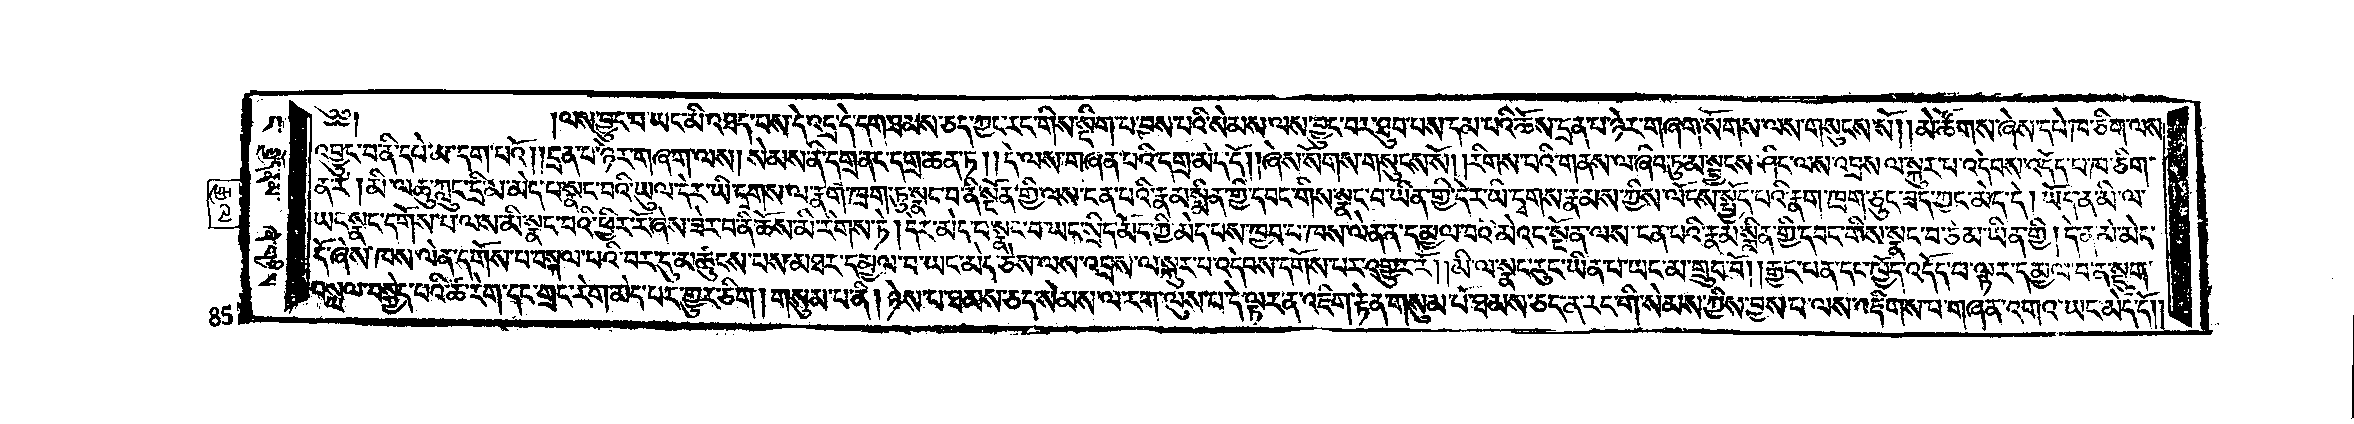༄༅། །ལས་བྱུང་བས་ཡང་མི་འཐད་པས་དེ་འདྲ་དེ་དག་ཐམས་ཅད་ཀྱང་རང་གིས་སྡིག་པ་བྱས་པའི་སེམས་ལས་བྱུང་བར་ཐུབ་པས་དམ་པའི་ཆོས་དྲན་པ་ཉེར་གཞག་སོགས་ལས་གསུངས་སོ། །མེ་ཚོགས་ཞེས་དཔེ་ཁ་ཅིག་ལས་
འབྱུང་བ་ནི་དཔེ་མ་དག་པའོ། །དྲན་པ་ཉེར་གཞག་ལས། སེམས་ནི་དགྲ་ནང་དགྲ་ཆན་ཏེ། །དེ་ལས་གཞན་པའི་དགྲ་མེད་དོ། །ཞེས་སོགས་གསུངས་སོ། །རིགས་པའི་གནས་ལ་ཞིབ་ཏུ་མ་སྦྱངས་ཤིང་ལས་འབྲས་ལ་སྐུར་བ་འདེབས་འདོད་པ་ཁ་ཅིག་
ན་རེ། མི་ལ་ཆུ་ཀླུང་དྲི་མ་མེད་པ་སྣང་བའི་ཡུལ་དེར་ཡི་དྭགས་ལ་རྣག་ཁྲག་ཏུ་སྣང་བ་ནི་སྔོན་གྱི་ལས་ངན་པའི་རྣམ་སྨིན་གྱི་དབང་གིས་སྣང་བ་ཡིན་གྱི་དེར་ཡི་དྭགས་རྣམས་ཀྱིས་ལོངས་སྤྱོད་པའི་རྣག་ཁྲག་ཆུང་ཟད་ཀྱང་མེད་དེ། ཡོད་ན་མི་ལ་
ཡང་སྣང་དགོས་པ་ལས་མི་སྣང་བའི་ཕྱིར་རོ་ཞེས་ཟེར་བ་ནི་ཆོས་མི་རིགས་ཏེ། དེར་མེད་པ་སྣང་བ་ཡང་སྲིད་མོད་ཀྱི་མེད་པས་ཁྱབ་པ་ཁས་ལེན་ན་དམྱལ་བའི་མེའང་སྔོན་ལས་ངན་པའི་རྣམ་སྨིན་གྱི་དབང་གིས་སྣང་བ་ཙམ་ཡིན་གྱི་།དེ་ན་མེ་མེད་
དོ་ཞེས་ཁས་ལེན་དགོས་པ་བསྐལ་པའི་བར་དུ་མཚུངས་པས་མཐར་དམྱལ་བ་ཡང་མེད་ཅེས་ལས་འབྲས་ལ་སྐུར་བ་འདེབས་དགོས་པར་འགྱུར་རོ། །མི་ལ་སྣང་རུང་ཡིན་པ་ཡང་མ་གྲུབ་བོ། །རྒྱད་པ་ན་དང་ཁྱོད་འདོད་པ་ལྟར་དམྱལ་བ་ན་སྡུག་
བསླལ་བསྐྱེད་པའི་ཚེ་རེག་དང་གྲང་རེག་མེད་པར་གྱུར་ཅིག །གསུམ་པ་ནི། ཉེས་པ་ཐམས་ཅད་སེམས་ལ་རག་ལུས་པ་དེ་ལྟར་ན་འཇིག་རྟེན་གསུམ་པོ་ཐམས་ཅད་ན་རང་གི་སེམས་ཀྱིས་བྱས་པ་ལས་འཇིགས་པ་གཞན་འགའ་ཡང་མེད་དོ། །